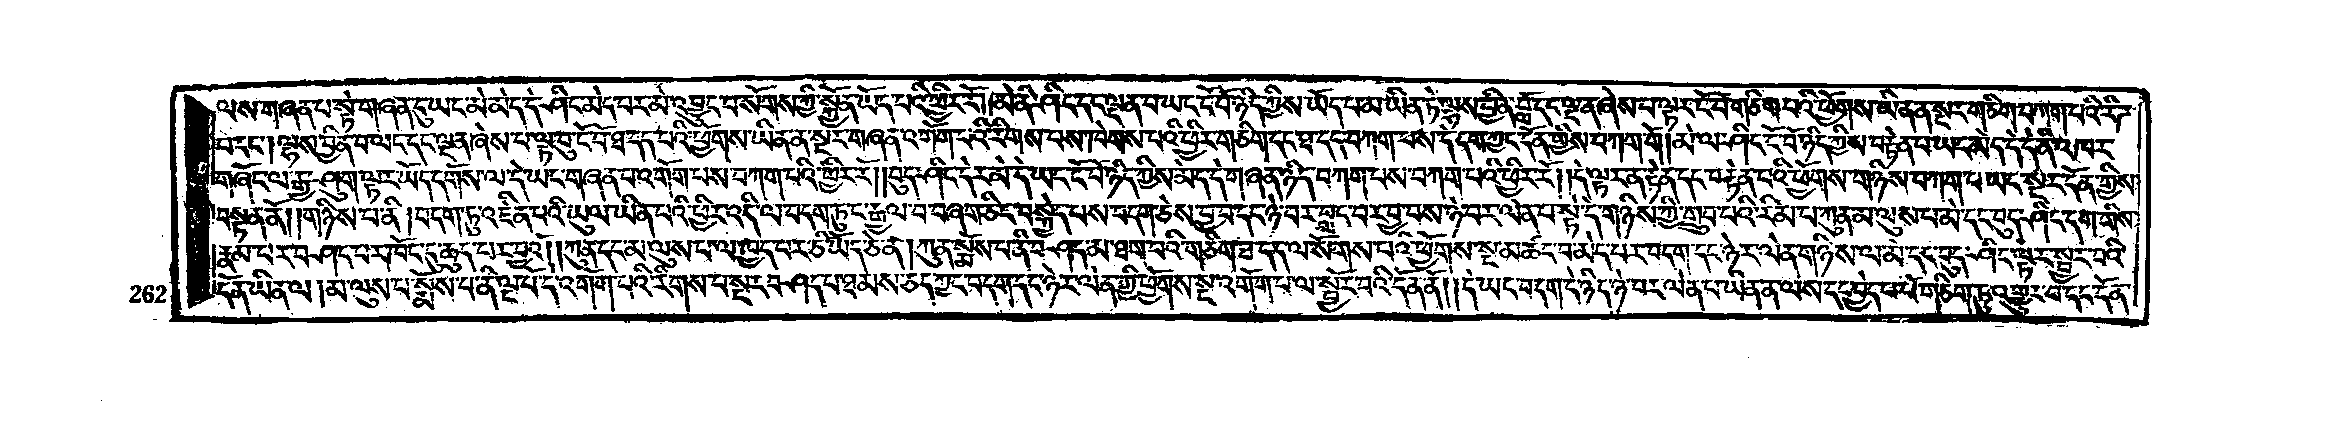ལས་གཞན་པ་སྟེ་གཞན་དུ་ཡང་མེ་མེད་དེ་ཤིང་མེད་པར་མེ་འབྱུང་བ་སོགས་ཀྱི་སྐྱོན་ཡོད་པའི་ཕྱིར་རོ། །མེ་ནི་ཤིང་དང་ལྡན་པ་ཡང་ངོ་བོ་ཉིད་ཀྱིས་ཡོད་པ་མ་ཡིན་ཏེ་ལྷས་བྱིན་བློ་དང་ལྡན་ཞེས་པ་ལྟར་ངོ་བོ་གཅིག་པའི་ཕྱོགས་ཡིན་ན་སྔར་གཅིག་བཀག་པའི་རིཌ་
པ་དང་། ལྷས་བྱིན་པ་ལང་དང་ལྡན་ཞེས་པ་ལྟ་བུ་ངོ་བོ་ཐ་དད་པའི་ཕྱོགས་ཡིན་ན་སྔར་གཞན་འགོག་པའི་རིགས་པས་ཁེགས་པའི་ཕྱིར་གཅིག་དང་ཐ་དད་བཀག་པས་དེ་དག་ཀྱང་དོན་གྱིས་བཀག་གོ །མེ་ལ་ཤིང་ངོ་བོ་ཉིད་ཀྱིས་བརྟེན་པ་ཡང་མེད་དེ་དེ་ནི་འཁར་
གཞོང་ལ་རྒྱ་ཤུག་ལྟར་ཡོད་དགོས་ལ་དེ་ཡང་གཞན་པ་འགོག་པས་བཀག་པའི་ཕྱིར་རོ། །བུད་ཤིང་དེར་མེ་དེ་ཡང་ངོ་བོ་ཉིད་ཀྱིས་མེད་དེ་གཞན་ཉིད་བཀག་པས་བཀག་པའི་ཕྱིར་རོ། །དེ་ལྟར་ན་རྟེན་དང་བརྟེན་པའི་ཕྱོགས་གཉིས་བཀག་པ་ཡང་སྔར་དོན་གྱིས་
བསྟན་ནོ། །གཉིས་པ་ནི། བདག་ཏུ་འཛིན་པའི་ཡུལ་ཡིན་པའི་ཕྱིར་འདི་ལ་བདག་ཏུ་ང་རྒྱལ་བ་བཞག་ཅིང་བསྐྱེད་པས་བདག་ཅེས་བྱ་བ་དང་ཉེ་བར་བླང་བར་བྱ་བས་ཉེ་བར་ལེན་པ་སྟེ་དེ་གཉིས་ཀྱི་གྲུབ་པའི་རིམ་པ་ཀུན་མ་ལུས་པ་མེ་དང་བུད་ཤིང་དག་གིས་
རྣམ་པར་བཤད་པར་ཁོང་དུ་ཆུད་པར་བྱའོ། །ཀུན་དང་མ་ལུས་པ་ལ་ཁྱད་པར་ཅི་ཡོད་ཅེ་ན། ཀུན་སྨོས་པ་ནི་བཤད་མ་ཐག་པའི་གཅིག་ཐ་དད་ལ་སོགས་པའི་ཕྱོགས་སྔ་མ་ཚང་བ་མེད་པར་བདག་དང་ཉེར་ལེན་གཉིས་ལ་མེ་དང་བུད་ཤིང་ལྟར་སྦྱར་བའི་
དོན་ཡིན་ལ། མ་ལུས་པ་སྨོས་པ་ནི་ལྔ་པོ་དེ་འགོག་པའི་རིགས་པ་སྔར་བཤད་པ་ཐམས་ཅད་ཀྱང་བདག་དང་ཉེར་ལེན་གྱི་ཕྱོགས་སྔ་འགོག་པ་ལ་སྦྱོར་བའི་དོན་ནི། དེ་ཡང་བདག་དེ་ཉིད་ཉེ་བར་ལེན་པ་ཡིན་ན་ལས་དང་བྱེད་པ་པོ་གཅིག་ཏུ་འགྱུར་བ་དང་དོན་